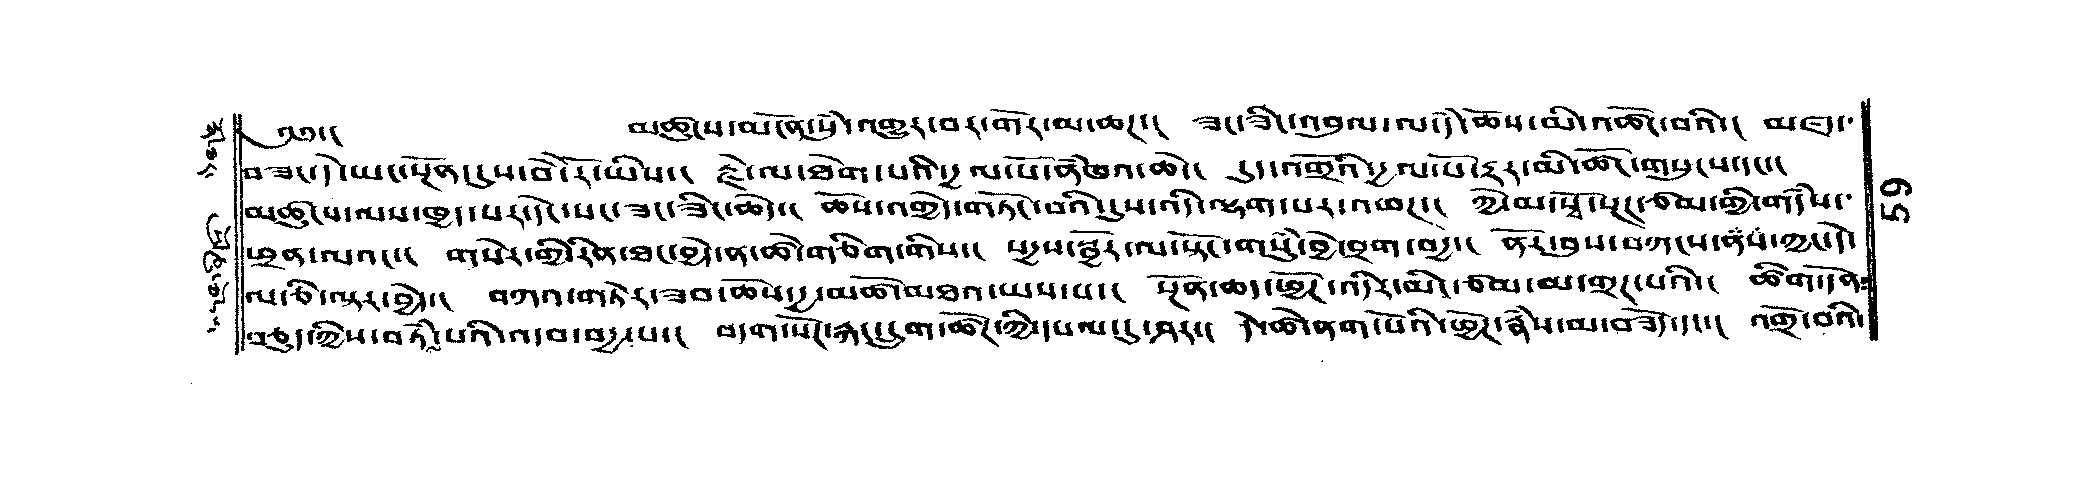མཚུངས་མངོན་སུམ་འགྱུར་བར་གོར་མ་ཆགས། །ཟང་ཟིང་འབུལ་ལ་དམ་ཆོས་མི་འཚོང་བའི། །མཛད་
བཟང་དེ་ཡང་སྔོན་དུས་བཻ་རོ་ཡིས། །རྗེ་ལ་ཐེག་པའི་རྒྱལ་པོ་ནམ་མཁའ་ཆེ། །དུད་འགྲོའི་རྒྱལ་པོ་རྟར་མི་ཚོང་གསུངས་དང་། །
མཚུངས་ལས་ཁྱད་པར་དེང་སང་ཟང་ཟིང་ཆེད། །ཆོས་འགྱེད་གཏོང་པའི་དུས་འདི་ལྷག་པར་འཕགས། །ཀྱེ་མ་སོ་སྔགས་ཙམ་གྱི་གདམས་
ཕྲན་ལའང་། །གསེར་གྱི་རིན་ཐང་བྱེད་ན་ཚེ་གཅིག་གིས། །སངས་རྒྱས་སྦྱོར་ལ་སྟོང་གསུམ་བྱེ་བྲག་བརྒྱ། །ནོར་བུས་བཀངས་ཀྱང་དེ་
ལ་ཅི་ལྟར་བྱེད། །བཀའ་གཏེར་ཟབ་ཆོས་རྒྱ་མཚོ་མཐའ་ཡས་པ། །སྔོན་ཆད་ཕྱོགས་འདིར་མིང་ཙམ་མ་གྲགས་པའི། །ཚིག་དོན་
བཅུད་ཀྱིས་བཏམས་པའི་འདབ་བརྒྱ་པ། །བདག་སོགས་རྐང་དྲུག་ཚོགས་ཀྱི་དཔལ་དུ་ཤར། །དེ་ཚེ་ནག་པོའི་ཕྱོགས་རྣམས་མ་བཟོད་དང་། །འགྲོ་བའི་